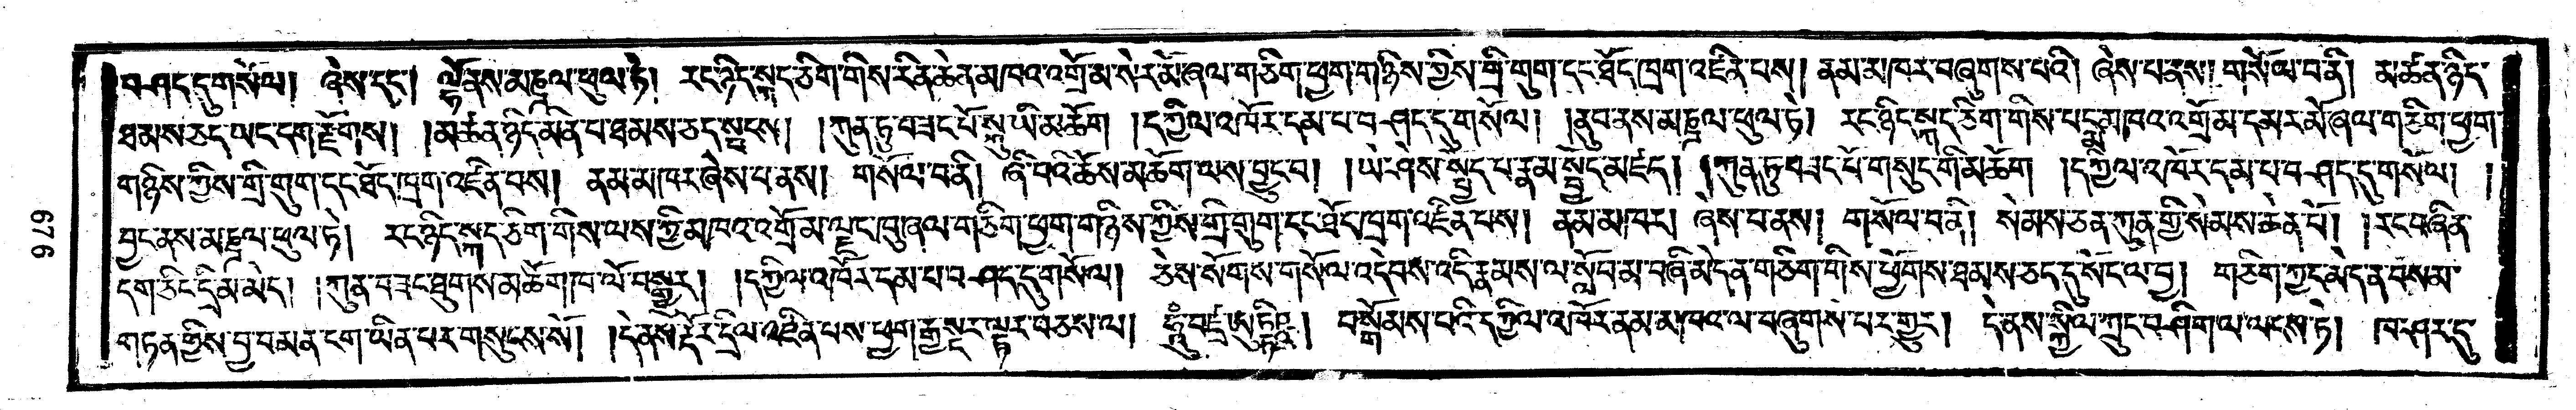བཤད་དུ་གསོལ། ཞེས་དང་། ལྷོ་ནས་མཎྜལ་ཕུལ་ཏེ། རང་ཉིད་སྐད་ཅིག་གིས་རིན་ཆེན་མཁའ་འགྲོ་མ་སེར་མོ་ཞལ་གཅིག་ཕྱག་གཉིས་ཀྱིས་གྲི་གུག་དང་ཐོད་ཁྲག་འཛིན་པས། ནམ་མཁར་བཞུགས་པའི། ཞེས་པ་ནས། གསོལ་བ་ནི། མཚན་ཉིད་
ཐམས་ཅད་ཡང་དག་རྫོགས། །མཚན་ཉིད་མིན་པ་ཐམས་ཅད་སྤངས། །ཀུན་དུ་བཟང་པོ་སྐུ་ཡི་མཆོག །དཀྱིལ་འཁོར་དམ་པ་བཤད་དུ་གསོལ། །ནུབ་ནས་མཎྜལ་ཕུལ་ཏེ། རང་ཉིད་སྐད་ཅིག་གིས་པདམ་མཁའ་འགྲོ་མ་དམར་མོ་ཞལ་གཅིག་ཕྱག་
གཉིས་ཀྱིས་གྲི་གུག་དང་ཐོད་ཁྲག་འཛིན་བས། ནམ་མཁར་ཞེས་པ་ནས། གསོལ་བ་ནི། ཞི་བའི་ཆོས་མཆོག་ལས་བྱུང་བ། །ཡེ་ཤེས་སྤྱོད་པ་རྣམ་སྤྱོད་མཛད། །ཀུན་ཏུ་བཟང་པོ་གསུང་གི་མཆོག །དཀྱིལ་འཁོར་དམ་པ་བཤད་དུ་གསོལ། །
བྱང་ནས་མཎྜལ་ཕུལ་ཏེ། རང་ཉིད་སྐད་ཅིག་གིས་ལས་ཀྱི་མཁའ་འགྲོ་མ་ལྗང་ཁུ་ཞལ་གཅིག་ཕྱག་གཉིས་ཀྱིས་གྲི་གུག་དང་ཐོང་ཁྲག་འཛིན་པས། ནམ་མཁར། ཞེས་པ་ནས། གསོལ་བ་ནི། སེམས་ཅན་ཀུན་གྱི་སེམས་ཆེན་པོ། །རང་བཞིན་
དག་ཅིང་དྲི་མ་མེད། །ཀུན་བཟང་ཐུགས་མཆོག་ཁ་ལོ་བསྒྱུར། །དཀྱིལ་འཁོར་དམ་པ་བཤད་དུ་གསོལ། ཅེས་སོགས་གསོལ་འདེབས་འདི་རྣམས་ལ་སློབ་མ་བཞི་མེད་ན་གཅིག་གིས་ཕྱོགས་ཐམས་ཅད་དུ་སོང་ལ་བྱ། གཅིག་ཀྱང་མེད་ན་བསམ་
གཏན་གྱིས་བྱ་བ་མན་ངག་ཡིན་པར་གསུངས་སོ། །དེ་ནས་རྡོར་དྲིལ་འཛིན་པས་ཕྱག་རྒྱ་སྔར་ལྟར་བཅས་ལ། ཧཱུཾ་བཛྲ་ཨུཏྟིཥཊཿཨ། བསྒོམས་པའི་དཀྱིལ་འཁོར་ནམ་མཁའ་ལ་བཞུགས་པར་གྱུར། དེ་ནས་སྐྱིལ་ཀྲུང་བཤིག་ལ་ལངས་ཏེ། ཁ་ཤར་དུ་